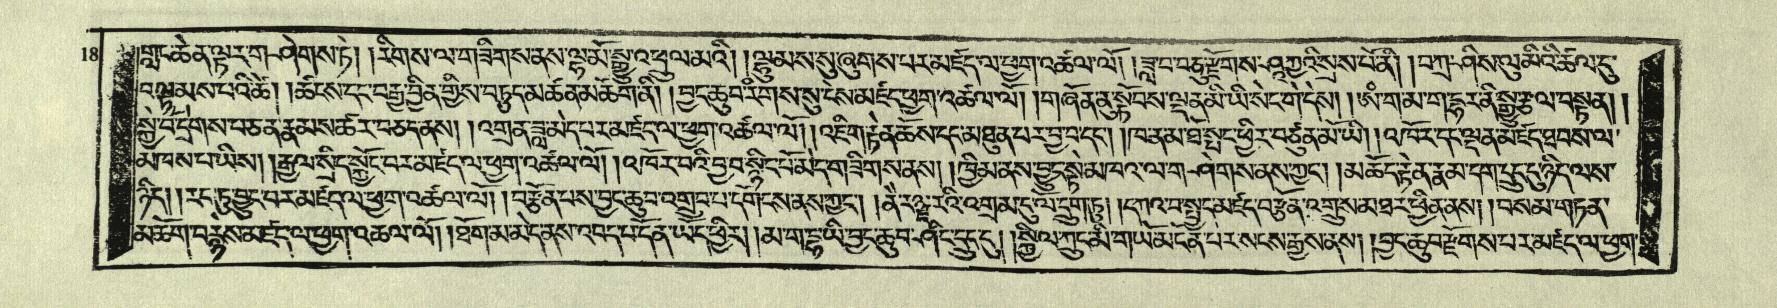གླང་ཆེན་ལྟར་གཤེགས་ཏེ། །རིགས་ལ་གཟིགས་ནས་ལྷ་མོ་སྒྱུ་འཕྲུལ་མའི། །ལྷུམས་སུ་ཞུགས་པར་མཛད་ལ་ཕྱག་འཚལ་ལོ། །ཟླ་བ་བཅུ་རྫོགས་ཤཱཀྱའི་སྲས་པོ་ནི། །བཀྲ་ཤིས་ལུ་མིའི་ཚལ་དུ་
བལྟམས་པའི་ཚེ། །ཚངས་དང་བརྒྱ་བྱིན་གྱིས་བཏུད་མཚན་མཆོག་ནི། །བྱང་ཆུབ་རིགས་སུ་ངེས་མཛད་ཕྱག་འཚལ་ལོ། །གཞོན་ནུ་སྟོབས་ལྡན་མི་ཡི་སེང་གེ་དེས། །ཨཾ་ག་མ་ག་དྷར་ནི་སྒྱུ་རྩལ་བསྟན། །
སྐྱེ་བོ་དྲེགས་པ་ཅན་རྣམས་ཚར་བཅད་ནས། །འགྲན་ཟླ་མེད་པར་མཛད་ལ་ཕྱག་འཚལ་ལོ། །འཇིག་རྟེན་ཆོས་དང་མཐུན་པར་བྱ་བ་དང་། །ཁ་ན་མ་ཐོ་སྤང་ཕྱིར་བཙུན་མོ་ཡི། །འཁོར་དང་ལྡན་མཛད་ཐབས་ལ་
མཁས་པ་ཡིས། །རྒྱལ་སྲིད་སྐྱོང་བར་མཛད་ལ་ཕྱག་འཚལ་ལོ། །འཁོར་བའི་བྱ་བ་སྙིང་པོ་མེད་གཟིགས་ནས། །ཁྱིམ་ནས་བྱུང་སྟེ་མཁའ་ལ་གཤེགས་ནས་ཀྱང་། །མཆོད་རྟེན་རྣམ་དག་དྲུང་དུ་ཉིད་ལས་
ཉིད། །རབ་ཏུ་བྱུང་བར་མཛད་ལ་ཕྱག་འཚལ་ལོ། །བརྩོན་པས་བྱང་ཆུབ་འགྲུབ་པ་དགོངས་ནས་ཀྱང་། །ནཻ་རཉྫ་རའི་འགྲམ་དུ་ལོ་དྲུག་ཏུ། །དཀའ་བ་སྤྱད་མཛད་བརྩོན་འགྲུས་མཐར་ཕྱིན་ནས། །བསམ་གཏན་
མཆོག་བརྙེས་མཛད་ལ་ཕྱག་འཚལ་ལོ། །ཐོག་མ་མེད་ནས་འབད་པ་དོན་ཡོད་ཕྱིར། །མ་ག་དྷ་ཡི་བྱང་ཆུབ་ཤིང་དྲུང་དུ། །སྐྱིལ་ཀྲུང་མི་གཡོ་མངོན་པར་སངས་རྒྱས་ནས། །བྱང་ཆུབ་རྫོགས་པར་མཛད་ལ་ཕྱག་